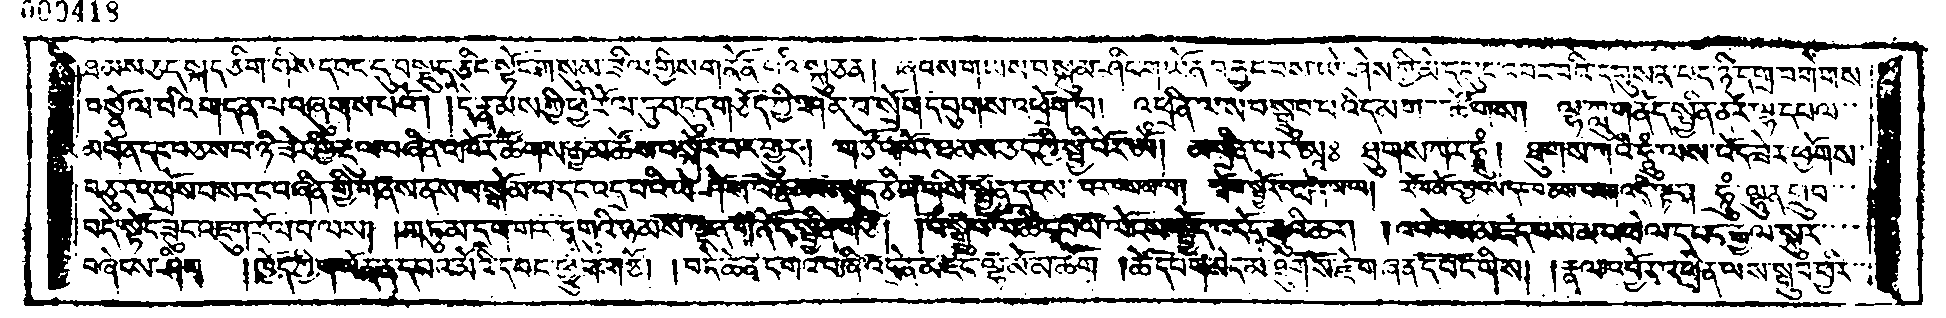ཐམས་ཅད་སྐད་ཅིག་གིས་དབང་དུ་བསྡུད་ཅིང་སྟོང་གསུམ་ཟིལ་གྱིས་གནོན་པའི་སྐུ་ཅན། ཞབས་གཡས་བསྐུམ་ཤིང་གཡོན་བརྐྱང་བས་ཡེ་ཤེས་ཀྱི་མེ་དཔུང་འབར་བའི་དབུས་ན་པད་ཉི་དགྲ་བགེགས་
བསྣོལ་བའི་གདན་ལ་བཞུགས་པའོ། །དེ་རྣམས་ཀྱི་ཕྱི་རོལ་ཏུ་བདུད་གཅོད་ཀྱི་བཤན་?་བ་སྲོག་དབུགས་འཕྲོག་པ། འཕྲིན་ལས་བསྒྲུབ་པའི་དམག་ཚོགས། ལྷ་ཀླུ་གནོད་སྦྱིན་ནོར་ལྷ་དཔལ་
མགོན་དང་བཅས་ཕ་ཉི་ཟེར་གྱི་རྡུལ་བཞིན་འཁོར་ཚོགས་རྒྱ་མཚོས་བསྐོར་བར་གྱུར། གཙོ་འཁོར་ཐམས་ཅད་ཀྱི་སྤྱི་བོར་ཨོཾ། མགྲིན་པར་ཨཱཿ ཐུགས་ཀར་ཧཱུཾ། ཐུགས་ཀའི་ཧཱུཾ་ལས་འོད་ཟེར་ཕྱོགས་
བཅུར་འཕྲོས་པས་རང་བཞིན་གྱི་གནས་ནས་བསྒོམ་པ་དང་འདྲ་བའི་ཡེ་ཤེས་པ་རྣམས་སྐད་ཅིག་གིས་སྤྱན་དྲངས་པར་བསམ་ལ། སྤོས་སྦྱོར་བ་བསྲེགས་ལ། རོལ་མོ་དབྱངས་དང་བཅས་པས། འདི་ལྟར།  ཧཱུཾ་ལྷུན་གྲུབ་
བདེ་སྟོང་ཟུང་འཇུག་རོལ་པ་ལས། །གཏུམ་དྲག་གར་དགུའི་ཉམས་ལྡན་གནོད་སྦྱིན་གཙོ། །བསྒྲུབ་ལ་ཚེ་དཔལ་ལོངས་སྤྱོད་འདོད་རྒུའི་ཆར། །འབེབས་མཛད་བསམ་འཕེལ་དབང་རྒྱལ་སྐུར་
བཞེངས་ཤིག །ཁྱོད་ཀྱི་གཡོན་ན་དཔའ་མོའི་དབང་ཕྱུག་གཙོ། །བདེ་ཆེན་དགའ་བཞི་འདྲེན་མཛད་ལྷ་མོ་མཆོག །ཚེ་དཔག་མེད་མ་ཐུགས་རྗེ་གཞན་དབང་གིས། །རྣལ་འབྱོར་འཕྲིན་ལས་སྒྲུབ་ཕྱིར་